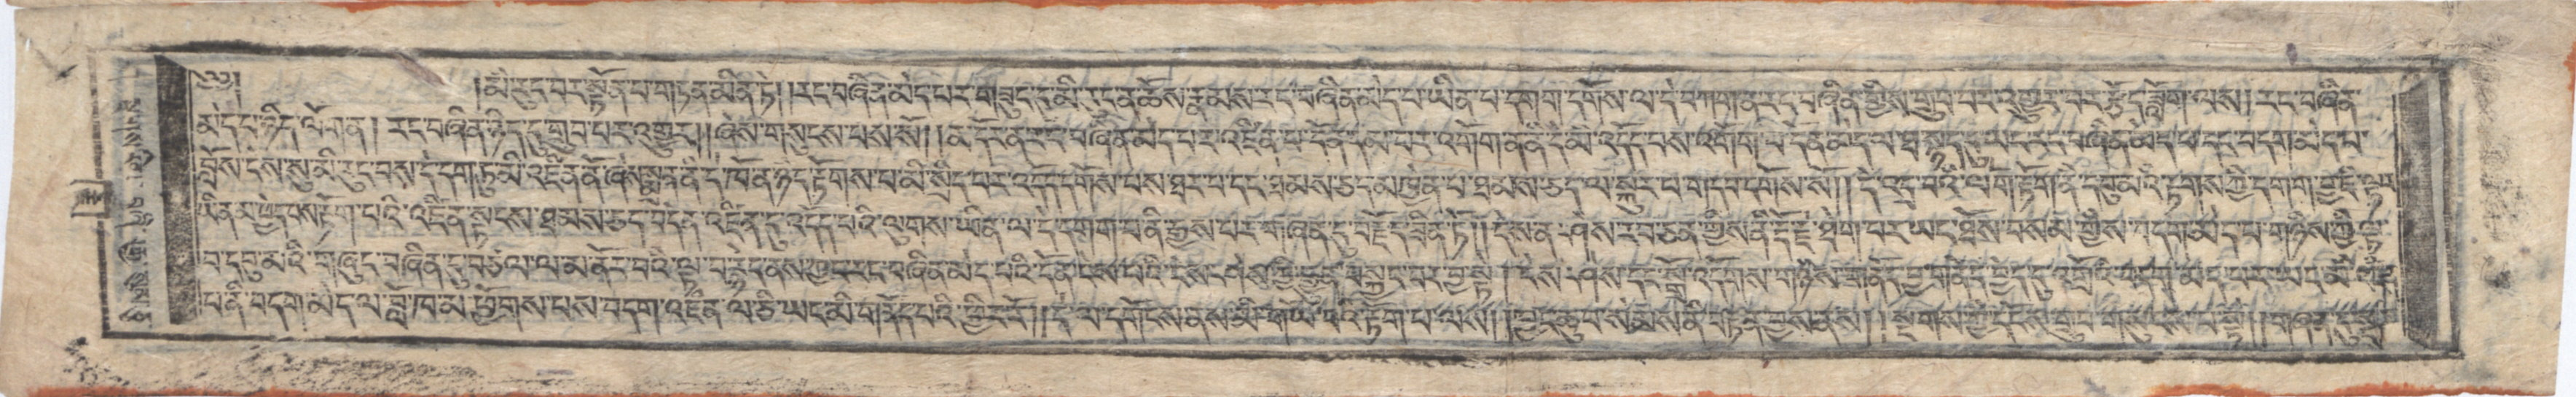༄༅། །མི་རུང་བར་སྟོན་པ་གཏན་མིན་ཏེ། །རང་བཞིན་མེད་པར་གཟུང་དུ་མི་རུང་ན་ཆོས་རྣམས་རང་བཞིན་མེད་པ་ཡིན་པ་དགག་དགོས་ལ་དེ་བཀག་ན་རང་བཞིན་གྱིས་གྲུབ་པར་འགྱུར་བར་རྩོད་ཟློག་ལས། རང་བཞིན་
མེད་པ་ཉིད་ལོག་ན། རང་བཞིན་ཉིད་དུ་གྲུབ་པར་འགྱུར། །ཞེས་གསུངས་པས་སོ། །མདོར་ན་རང་བཞིན་མེད་པར་འཛིན་པ་དོན་དམ་པར་འགོག་ན་ནི་དེ་མི་འདོད་པས་འགོག་པ་དོན་མེད་ལ་ཐ་སྙད་དུ་ཡང་རང་བཞིན་མེད་པ་དང་བདག་མེད་པ་
བློས་ངེས་སུ་མི་རུང་བས་དེ་དག་ཏུ་མི་འཛིན་ནོ་ཞེས་སྨྲན་ནི་དེ་ཁོ་ན་ཉིད་རྟོགས་པ་མི་སྲིད་པར་འདོད་དགོས་པས་ཐར་པ་དང་ཐམས་ཅད་མཁྱེན་པ་ཐམས་ཅད་ལ་སྐུར་པ་གདབ་དགོས་སོ། །དེ་འདྲ་བའི་ལོག་རྟོག་ནི་དབུ་མའི་རྟགས་ཀྱི་དགག་བྱ་ཇི་ལྟར་
ཡིན་མ་ཕྱེད་པས་རྟོག་པའི་འཛིན་སྟངས་ཐམས་ཅད་བདེན་འཛིན་དུ་འདོད་པའི་ལུགས་ཡིན་ལ་དེ་དགག་པ་ནི་རྒྱས་པར་གཞན་དུ་བརྗོད་ཟིན་ཏོ། །དེས་ན་ཤེས་རབ་ཅན་གྱིས་ནི་རྡོ་རྗེ་ཐེག་པར་ཡང་ཐོས་བསམ་གྱིས་བདག་མེད་པ་གཉིས་ཀྱི་ལྟ་
བ་དབུ་མའི་གཞུང་བཞིན་དུ་བཙལ་ལ་མ་ནོར་བའི་ལྟ་བ་རྙེད་ནས་ཀྱང་རང་བཞིན་མེད་པའི་དོན་ངེས་པའི་ངེས་ཤེས་ཀྱི་རྒྱུན་བསྐྱང་བར་བྱ་སྟེ། ངེས་ཤེས་དང་སྒྲོ་འདོགས་གཉིས་གནོད་བྱ་གནོད་བྱེད་དུ་འགྲོའི་བདག་མེད་པར་ཡང་མི་འཛིན་
པ་ནི་བདག་མེད་ལ་བློ་ཁ་མ་ཕྱོགས་པས་བདག་འཛིན་ལ་ཅི་ཡང་མི་གནོད་པའི་ཕྱིར་རོ། །དེ་ལ་དགོངས་ནས་མི་གཡོ་བའི་རྟོག་པ་ལས། །བྱང་ཆུབ་སེམས་ནི་བརྟན་བྱས་ནས། །སྔགས་ཀྱི་དངོས་གྲུབ་གསུངས་པ་སྟེ། །གཞན་དུ་སྔགས་